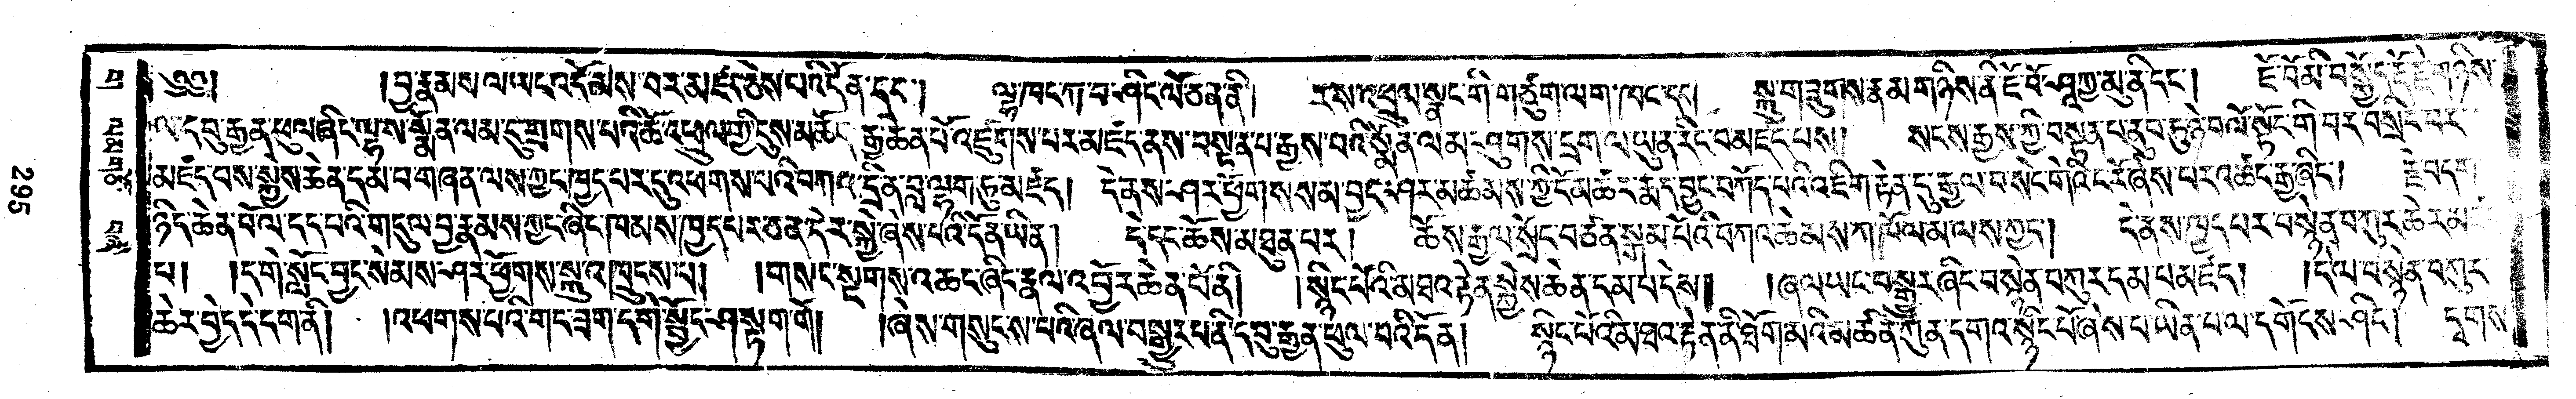༄༅། །བྱ་རྣམས་ལ་ཡང་འདོམས་བར་མཛད་ཅེས་པའི་དོན་དང་། ལྷ་ཁང་ཀ་བ་ཤིང་ལོ་ཅན་ནི། རས་འཕྲུལ་སྣང་གི་གཙུག་ལག་ཁང་དང་། སྐུ་གཟུགས་རྣམ་གཉིས་ནི་ཇོ་བོ་ཤཱཀྱ་མུ་ནི་དང་། ཇོ་བོ་མི་བསྐྱོད་རྡོ་རྗེ་གཉིས་
ལ་དབུ་རྒྱན་ཕུལ་ཞིང་ལྷ་ས་སྨོན་ལམ་དུ་གྲགས་པའི་ཆོ་འཕྲུལ་གྱི་དུས་མཆོད་རྒྱ་ཆེན་པོ་འཛུགས་པར་མཛད་ནས་བསྟན་པ་རྒྱས་བའི་སྨོན་ལམ་ཤུགས་དྲག་ལ་ཡུན་རིང་བ་མཛད་པས། སངས་རྒྱས་ཀྱི་བསྟན་པ་ནུབ་ཏུ་ཉེ་བ་ལོ་སྟོང་གི་བར་བསྲིང་བར་
མཛད་བས་སྐྱེས་ཆེན་དམ་པ་གཞན་ལས་ཀྱང་ཁྱད་པར་དུ་འཕགས་པའི་བཀའ་དྲིན་བླ་ལྷག་ཏུ་མཛད། དེ་ནས་ཤར་ཕྱོགས་སམ་བྱང་ཤར་མཚམས་ཀྱི་ངོ་མཚར་རྨད་བྱུང་བཀོད་པའི་འཇིག་རྟེན་དུ་རྒྱལ་བ་སེང་གེའི་ང་རོ་ཞེས་པར་འཚང་རྒྱ་ཞིང་། རྗེ་བདག་
ཉིད་ཆེན་བོ་ལ་དད་པའི་གདུལ་བྱ་རྣམས་ཀྱང་ཞིང་ཁམས་ཁྱད་པར་ཅན་དེར་སྐྱེ་ཞེས་པའི་དོན་ཡིན། དེ་དང་ཆོས་མཐུན་པར། ཆོས་རྒྱལ་སྲོང་བཙན་སྒམ་པོའི་བཀའ་ཆེམས་ཀ་ཁོ་ལམ་ལས་ཀྱང་། དེ་ནས་ཁྱད་པར་བསྙེན་བཀུར་ཆེར་མཛད་
པ། །དགེ་སློང་བྱང་སེམས་ཤར་ཕྱོགས་སྐུ་འཁྲུངས་པ། །གསང་སྔགས་འཆང་ཞིང་རྣལ་འབྱོར་ཆེན་བོ་ནི། །སྙིང་པོའི་མཐའ་རྟེན་སྐྱེས་ཆེན་དམ་པ་དེས། །ཞལ་ཡང་བསྒྱུར་ཞིང་བསྙེན་བཀུར་དམ་པ་མཛད། །དེ་ལ་བསྙེན་བཀུར་
ཆེར་བྱེད་དེ་དག་ནི། །འཕགས་པའི་གང་ཟག་དགེ་སྦྱོང་ཤ་སྟག་གོ། །ཞེས་གསུངས་པའི་ཞལ་བསྒྱུར་པ་ནི་དབུ་རྒྱན་ཕུལ་བའི་དོན། སྙིང་པོའི་མཐའ་རྟེན་ནི་ཐོག་མའི་མཚན་ཀུན་དགའ་སྙིང་པོ་ཞེས་པ་ཡིན་པ་ལ་དགོངས་ཤིང་། དྭགས་